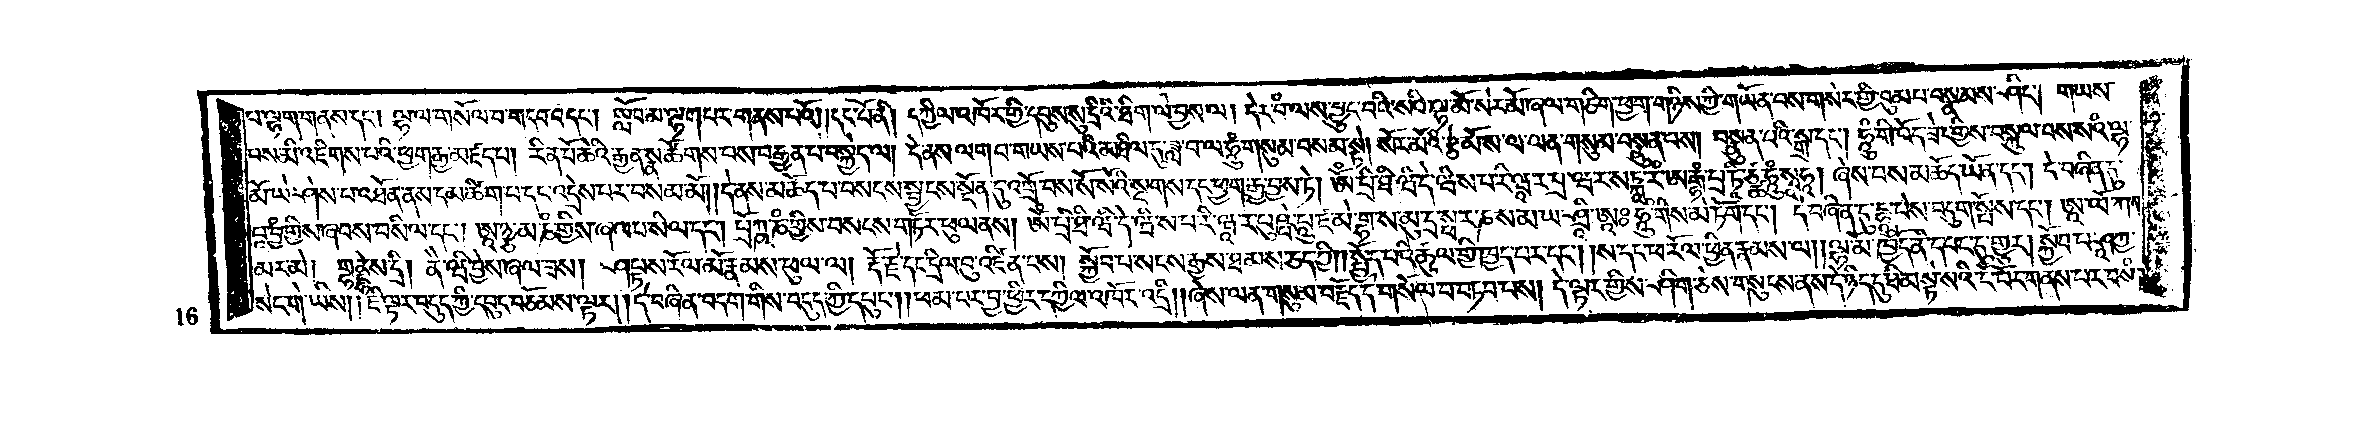པ་ལྷག་གནས་དང་། ལྷ་ལ་གསོལ་བ་གདབ་པ་དང་། སློབ་མ་ལྷག་པར་གནས་པའོ། །དང་པོ་ནི། དཀྱིལ་འཁོར་གྱི་དབུས་སུ་དྲིའི་ཐིག་ལེ་བྱས་ལ། དེར་བཾ་ལས་བྱུང་བའི་སའི་ལྷ་མོ་སེར་མོ་ཞལ་གཅིག་ཕྱག་གཉིས་ཀྱི་གཡོན་བས་གསེར་གྱི་བུམ་པ་བསྣམས་ཤིང་། གཡས་
པས་མི་འཇིགས་པའི་ཕྱག་རྒྱ་མཛད་པ། རིན་པོ་ཆེའི་རྒྱན་སྣ་ཚོགས་པས་བརྒྱན་པ་བསྐྱེད་ལ། དེ་ནས་ལག་པ་གཡས་པའི་མཐིལ་དུ་ཟླ་བ་ལ་ཧཱུཾ་གསུམ་བསམ་སྟེ། སོར་མོའི་རྩེ་མོ་ས་ལ་ལན་གསུམ་བསྣུན་པས། བསྣུན་པའི་སྒྲ་དང་། ཧཱུཾ་གི་འོད་ཟེར་གྱིས་བསྐུལ་བས་སའཾ་ལྷ་
མོ་ཡེ་ཤེས་པ་འཐོན་ནས་དམ་ཚིག་པ་དང་འདྲེས་པར་བསམ་མོ། །དེ་ནས་མཆོད་པ་བསངས་སྦྱངས་སྔོན་དུ་འགྲོ་བས་སོ་སོའི་སྔགས་དང་ཕྱག་རྒྱ་བྱས་ཏེ། ཨོཾ་པྲི་ཐི་ཝི་དེ་ཝིས་པ་རི་ཝཱ་ར་པྲ་ཝ་ར་སཏྐཱ་རྒྷཾ་པྲ་ཏཱི་ཙྪ་ཧཱུཾ་སVའྷཱ། ཞེས་པས་མཆོད་ཡོན་དང་། དེ་བཞིན་དུ་
པཱ་བྱཾ་གྱིས་ཞབས་བསིལ་དང་། ཨཱ་ཉྩ་མ་ཎཾ་གྱིས་ཞལ་པ་སིལ་དང་། པྲོ་ཀྵ་ཎཾ་གྱིས་བསངས་གཏོར་ཕུལ་ནས། ཨོཾ་པྲི་ཐི་ཝི་དེ་ས་པ་རི་ཝཱ་ར་པུ་ཥཔེ་པཱུ་ཛ་མེ་གྷ་ས་མུ་དྲ་སྥ་ར་ཎ་ས་མ་ཡ་ཤྲཱི་ཨཱཿ ཧཱུཾ་གིས་མེ་ཏོག་དང་། དེ་བཞིན་དུ་དྷཱུ་པེས་བདུག་སྤོས་དང་། ཨཱ་ལོ་ཀས་
མར་མེ། གྷནྡྷེས་དྲི། ནཻ་ཝི་བྱེས་ཞལ་ཟས། ཤཔྟས་རོལ་མོ་རྣམས་ཕུལ་ལ། རྡོ་རྗེ་དང་དྲིལ་བུ་འཛིན་པས། སྐྱོབ་པ་སངས་རྒྱས་ཐམས་ཅད་ཀྱི། །སྤྱོད་པའི་ཚུལ་གྱི་ཁྱད་པར་དང་། །ས་དང་ཕ་རོལ་ཕྱིན་རྣམས་ལ། །ལྷ་མོ་ཁྱོད་ནི་དབང་དུ་གྱུར། སྐྱོབ་པ་ཤཱཀྱ་
སེང་གེ་ཡིས། །ཇི་ལྟར་བདུད་ཀྱི་དབུང་བཅོམས་ལྟར། །དེ་བཞིན་བདག་གིས་བདུད་ཀྱི་དཔུང་། །ཕམ་པར་བྱ་ཕྱིར་དཀྱིལ་འཁོར་འདྲི། །ཞེས་ལན་གསུམ་བརྗོད་དེ་གསོལ་བ་བཏབ་པས། དེ་ལྟར་གྱིས་ཤིག་ཅེས་གསུངས་ནས་དེ་ཉིད་དུ་ཐིམ་སྟེ་སའི་ངོ་བོར་གནས་པར་བསཾ།